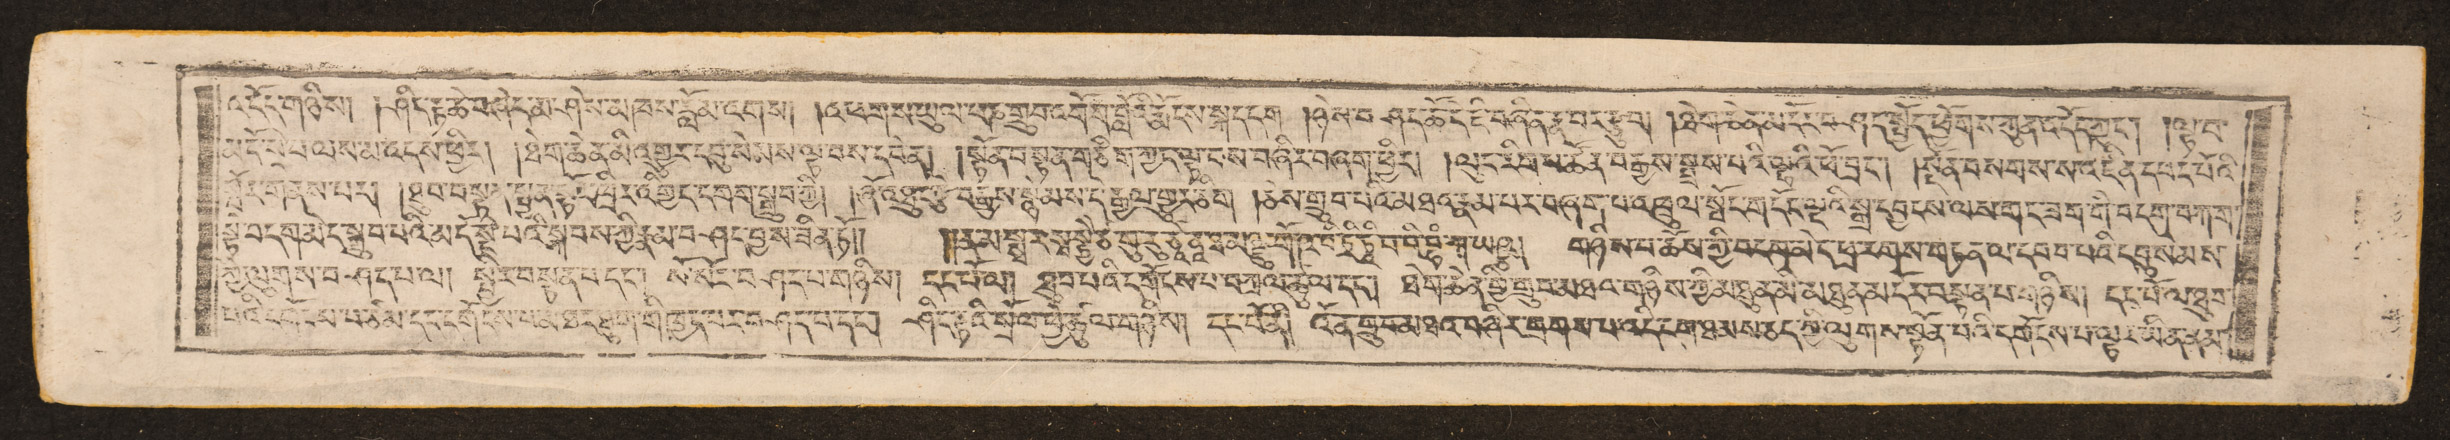འདོད་གཉིས། །ཤིང་རྟ་ཆེ་བཞེད་མ་ཤེས་མཁས་རློམ་འགས། །འཕགས་ཡུལ་པཎ་གྲུབ་འགོག་བློའི་རྨོངས་སྐད་དག །ཉེས་བཤད་ཆོ་དེ་ཇི་བཞིན་རྣ་བར་རྩུབ། །ཐེག་ཆེན་མདོར་བཤད་སྤྱོད་ཕྱོགས་ཀུན་འདོད་ཀྱང་། །ལྟ་བ་
མདོ་སྲེ་པ་ལས་མ་འདས་ཕྱིར། །ཐེག་ཆེན་མི་འགྱུར་དབུ་སེམས་ལྟ་བས་དབེན། །སྟོན་བསྟན་གཅིག་ཀྱང་ལྟ་བས་བཞིར་བཞག་ཕྱིར། །ལུང་རིགས་ཚོན་བརྒྱས་སྤྲས་པའི་ལྷའི་ཕོ་བྲང་། །སྔོན་བསགས་ས་འཛིན་དབང་པོའི་
སྤོར་གནས་པར། །ཐུབ་བསྟན་སྤྱན་སྟོང་ཁྲར་འགྱིད་དགག་སྒྲུབ་ཀྱི། །ཞོ་འཐུང་རྩེ་བརྒྱས་སྙམས་དེ་རྒྱལ་གྱུར་ཅིག །ཅེས་གྲུབ་པའི་མཐའ་རྣམ་པར་བཞག་པ་འཁྲུལ་སྦོང་གདོང་ལྔའི་སྒྲ་དབྱངས་ལས་གང་ཟག་གི་བདག་བཀག་
སྟེ་བདག་མེད་སྒྲུབ་པའི་མདོ་སྡེ་བའི་སྐབས་ཀྱི་རྣམ་བཤད་བྱས་ཟིན་ཏོ།། །།ན་མསྶྭ་ར་སྭ་སྟྱཻ་ཙ་གུ་རུ་ཙཱ་ནཱ་ཐ་མཉྫུ་གོ་ཥ་བི་ཏྲི་ཏཱི་བ་བི་བྷཾ་ཀ་ཡཥྩ། གཉིས་པ་ཆོས་ཀྱི་བདག་མེད་ཕྲ་རགས་གཏན་ལ་དབབ་པའི་དབུ་སེམས་
ཀྱི་ལུགས་བཤད་པ་ལ། སྤྱིར་བསྟན་པ་དང་། སོ་སོར་བཤད་པ་གཉིས། དང་པོ་ལ། ཐུབ་པའི་དགོངས་པ་བཀྲལ་ཚུལ་དང་། ཐེག་ཆེན་གྱི་གྲུབ་མཐའ་གཉིས་ཀྱི་མཐུན་མི་མཐུན་མདོར་བསྟན་པ་གཉིས། དང་པོ་ལ་ཐུབ་
པའི་དགོངས་པ་ཙམ་དང་དགོངས་པ་མཐར་ཐུག་གི་ཁྱད་པར་བཤད་པ་དང་། ཤིང་རྟའི་སྲོལ་ཕྱེ་ཚུལ་གཉིས། དང་པོ་ནི། འོན་གྲུབ་མཐའ་བཞིར་གྲགས་པ་འདི་དག་ཐམས་ཅད་ཀྱི་ལུགས་སྟོན་པའི་དགོངས་པ་ལྟར་ཡིན་ནམ་